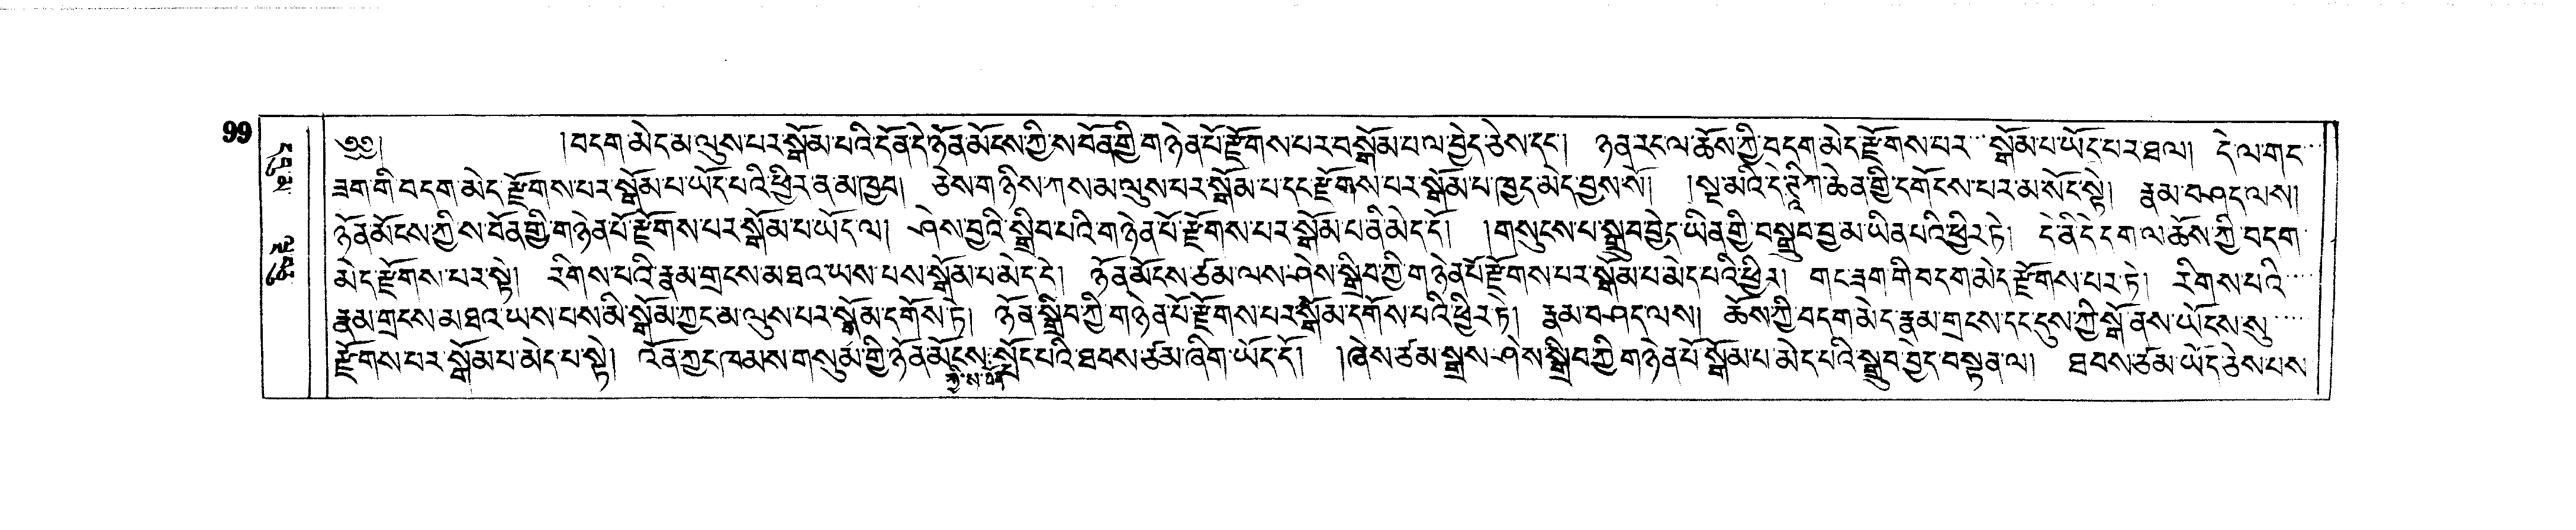༄༅། །བདག་མེད་མ་ལུས་པར་སྒོམ་པའི་དོན་དེ་ཉོན་མོངས་ཀྱི་ས་བོན་གྱི་གཉེན་པོ་རྫོགས་པར་བསྒོམ་པ་ལ་བྱེད་ཅེས་དང་། ཉན་རང་ལ་ཆོས་ཀྱི་བདག་མེད་རྫོགས་པར་སྒོམ་པ་ཡོད་པར་ཐལ། དེ་ལ་གང་
ཟག་གི་བདག་མེད་རྫོགས་པར་སྒོམ་པ་ཡོད་པའི་ཕྱིར་ན་མ་ཁྱབ། ཅེས་གཉིས་ཀས་མ་ལུས་པར་སྒོམ་པ་དང་རྫོགས་པར་སྒོམ་པ་ཁྱད་མེད་བྱས་སོ། །སྔ་མའི་དེ་ཊཱིཀ་ཆེན་གྱི་དགོངས་པར་མ་སོང་སྟེ། རྣམ་བཤད་ལས།
ཉོན་མོངས་ཀྱི་ས་བོན་གྱི་གཉེན་པོ་རྫོགས་པར་སྒོམ་པ་ཡོད་ལ། ཤེས་བྱའི་སྒྲིབ་པའི་གཉེན་པོ་རྫོགས་པར་སྒོམ་པ་ནི་མེད་དོ། །གསུངས་པ་སྒྲུབ་བྱེད་ཡིན་གྱི་བསྒྲུབ་བྱ་མ་ཡིན་པའི་ཕྱིར་ཏེ། དེ་ནི་དེ་དག་ལ་ཆོས་ཀྱི་བདག་
མེད་རྫོགས་པར་སྟེ། རིགས་པའི་རྣམ་གྲངས་མཐའ་ཡས་པས་སྒོམ་པ་མེད་དེ། ཉོན་མོངས་ཙམ་ལས་ཤེས་སྒྲིབ་ཀྱི་གཉེན་པོ་རྫོགས་པར་སྒོམ་པ་མེད་པའི་ཕྱིར། གང་ཟག་གི་བདག་མེད་རྫོགས་པར་ཏེ། རིགས་པའི་
མེད་རྫོགས་པར་སྟེ། རིགས་པའི་རྣམ་གྲངས་མཐའ་ཡས་པས་སྒོམ་པ་མེད་དེ། ཉོན་མོངས་ཙམ་ལས་ཤེས་སྒྲིབ་ཀྱི་གཉེན་པོ་རྫོགས་པར་སྒོམ་པ་མེད་པའི་ཕྱིར། གང་ཟག་གི་བདག་མེད་རྫོགས་པར་ཏེ། རིགས་པའི་
རྣམ་གྲངས་མཐའ་ཡས་པས་མི་སྒོམ་ཀྱང་མ་ལུས་པར་སྒོམ་དགོས་ཏེ། ཉོན་སྒྲིབ་ཀྱི་གཉེན་པོ་རྫོགས་པར་སྒོམ་དགོས་པའི་ཕྱིར་ཏེ། རྣམ་བཤད་ལས། ཆོས་ཀྱི་བདག་མེད་རྣམ་གྲངས་དང་དུས་ཀྱི་སྒོ་ནས་ཡོངས་སུ་
རྫོགས་པར་སྒོམ་པ་མེད་པ་སྟེ། འོན་ཀྱང་ཁམས་གསུམ་གྱི་ཉོན་མོངས་ཀྱི་ས་བོན་སྤོང་པའི་ཐབས་ཙམ་ཞིག་ཡོད་དོ། །ཞེས་ཙམ་སྒྲས་ཤེས་སྒྲིབ་ཀྱི་གཉེན་པོ་སྒོམ་པ་མེད་པའི་སྒྲུབ་བྱེད་བསྟན་ལ། ཐབས་ཙམ་ཡོད་ཅེས་པས་